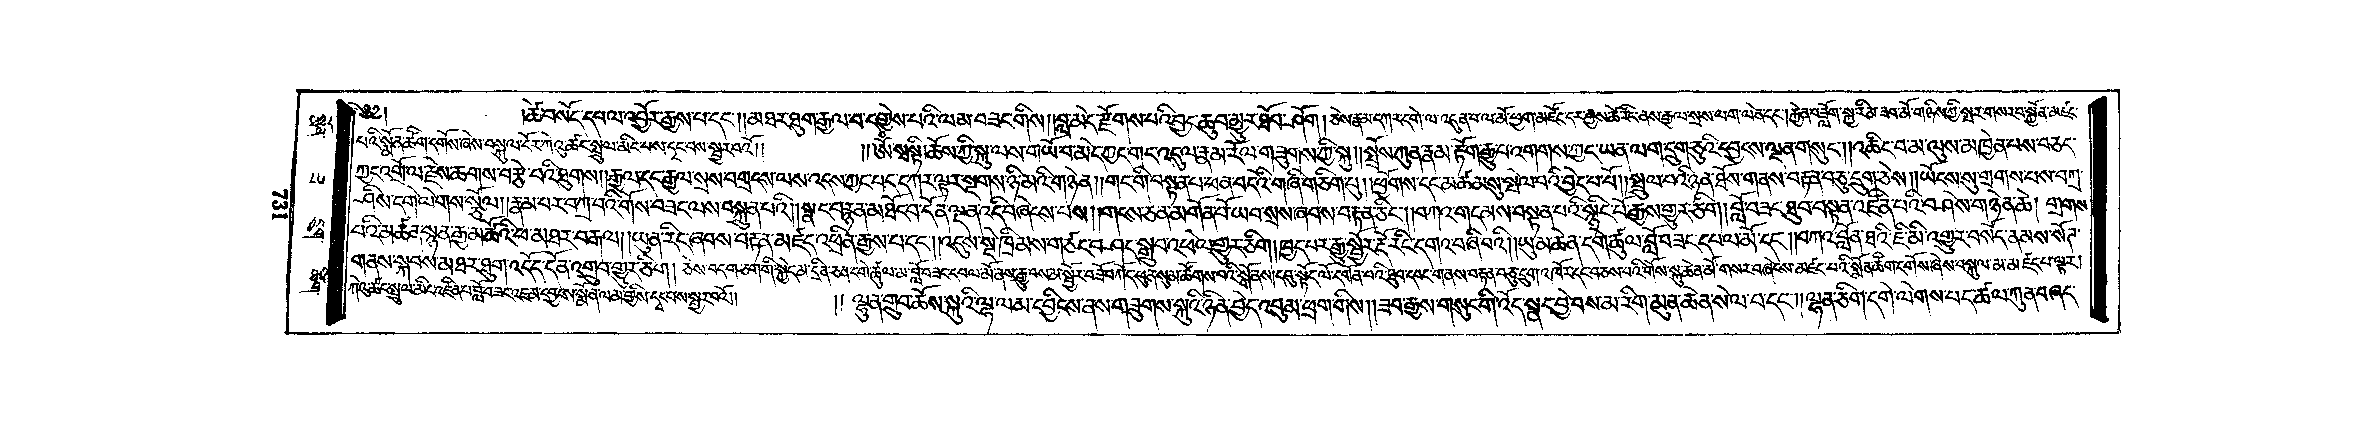༄༅། །ཚེ་བསོད་དཔལ་འབྱོར་རྒྱས་པ་དང་། །མཐར་ཐུག་རྒྱལ་བ་དགྱེས་པའི་ལམ་བཟང་གིས། །བླ་མེད་རྫོགས་པའི་བྱང་ཆུབ་མྱུར་ཐོབ་ཤོག །ཅེས་རྣམ་དཀར་དགེ་ལ་འདུན་པ་ལ་མོ་ཕྱག་མཛོད་དར་རྒྱས་ཚེ་རིང་ནས་རྒྱལ་སྲས་ལག་ལེན་དང་། རྐྱེན་བཟློག་སྐྱ་རིམ་ཟབ་མོ་གཉིས་ཀྱི་སྤར་གསར་བ་སྐྱོན་མཛད་
པའི་སྨོན་ཚིག་དགོས་ཞེས་བསྐུལ་ངོར་ཀེའུ་ཚང་སྤྲུལ་མིང་པས་དྭང་བས་སྦྱར་བའོ།། །།ཨོཾ་སྭ་སྟི། ཆོས་ཀྱི་སྐུ་ལས་གཡོ་བ་མེད་ཀྱང་གང་འདུལ་རྣམ་རོལ་གཟུགས་ཀྱི་སྐུ། །སྤྲོས་ཀུན་རྣམ་རྟོག་རྒྱུ་བ་འགགས་ཀྱང་ཡན་ལག་དྲུག་ཅུའི་དབྱངས་ལྡན་གསུང་། །འཆིང་བ་མ་ལུས་མཁྱེན་པས་བཅད་
ཀྱང་འགྲོ་ལ་རྗེས་ཆགས་བརྩེ་བའི་ཐུགས། །རྒྱལ་དང་རྒྱལ་སྲས་བགྲངས་ལས་འདས་ཀྱང་པད་དཀར་ལྟར་སྔགས་ཉི་མའི་གཉེན། །གང་གི་བསྟན་པ་ཕན་བདེའི་གཞི་གཅིག་པུ། །ཕྱོགས་དང་མཚམས་སུ་སྤེལ་བའི་བྱེད་པ་པོ། །སྤྲུལ་པའི་ཉན་ཐོས་གནས་བརྟན་བཅུ་དྲུག་ཅེས། །ཡོངས་སུ་གྲགས་པས་བཀྲ་
ཤིས་དགེ་ལེགས་སྩོལ། །རྣམ་པར་བཀྲ་བའི་གོས་བཟང་ལས་བསྐྲུན་པའི། །སྣང་བརྙན་མཐོང་བ་དོན་ལྡན་འདི་བཞེངས་པས། །གངས་ཅན་མགོན་པོ་ཡབ་སྲས་ཞབས་བརྟན་ཅིང་། །བཀའ་གདམས་བསྟན་པའི་སྙིང་པོ་རྒྱས་གྱུར་ཅིག །བློ་བཟང་ཐུབ་བསྟན་འཛིན་པའི་བཤེས་གཉེན་ཆེ། གྲགས་
པའི་མཚན་སྙན་རྒྱ་མཚོའི་ཕ་མཐར་བརྒལ། །ཡུན་རིང་ཞབས་བརྟན་མཛད་འཕྲིན་རྒྱས་པ་དང་། །འདུས་སྡེ་ཁྲིམས་གཙང་བཤད་སྒྲུབ་འཕེལ་གྱུར་ཅིག །ཁྱད་པར་རྒྱུ་སྦྱོར་རྡོ་རིང་དགའ་བཞི་བའི། །ཡུམ་ཆེན་དགེ་ཚུལ་བློ་བཟང་དཔལ་མོ་དང་། །བཀའ་བློན་ཐའི་ཇི་མི་འགྱུར་བསོད་ནམས་སོགས་
གནས་སྐབས་མཐར་ཐུག་འདོད་དོན་འགྲུབ་གྱུར་ཅིག །ཅེས་བདག་ཅག་གི་སྐྱེད་མ་དྲིན་ཅན་དགེ་ཚུལ་མ་བློ་བཟང་དཔལ་མོ་ནས་རྒྱུ་བསམ་སྦྱོར་བཟོ་བཀོད་ཕུན་སུམ་ཚོགས་པའི་སྒོ་ནས། དབུ་སྟོད་ལོ་དགོན་པའི་ཐུབ་དབང་གནས་བརྟན་བཅུ་དྲུག་འཁོར་དང་བཅས་པའི་གོས་སྐུ་ཆེན་མོ་གསར་བཞེངས་མཛད་པའི་སྨོན་ཚིག་དགོས་ཞེས་བསྐུལ་མ་མཛད་པ་ལྟར།
ཀེའུ་ཚང་སྤྲུལ་མིང་འཛིན་པ་བློ་བཟང་འཇམ་དབྱངས་སྨོན་ལམ་གྱིས་དྭངས་སྦྱར་བའོ།། །།ལྷུན་གྲུབ་ཆོས་སྐུའི་ལྷ་ལམ་དབྱིངས་ནས་གཟུགས་སྐུའི་ཉིན་བྱེད་འབུམ་ཕྲག་གིས། །ཟབ་རྒྱས་གསུང་གི་འོད་སྣང་བྱེ་བས་མ་རིག་མུན་ཆེན་སེལ་བ་དང་། །ལྷན་ཅིག་དགེ་ལེགས་པད་ཚལ་ཀུན་བཞད་